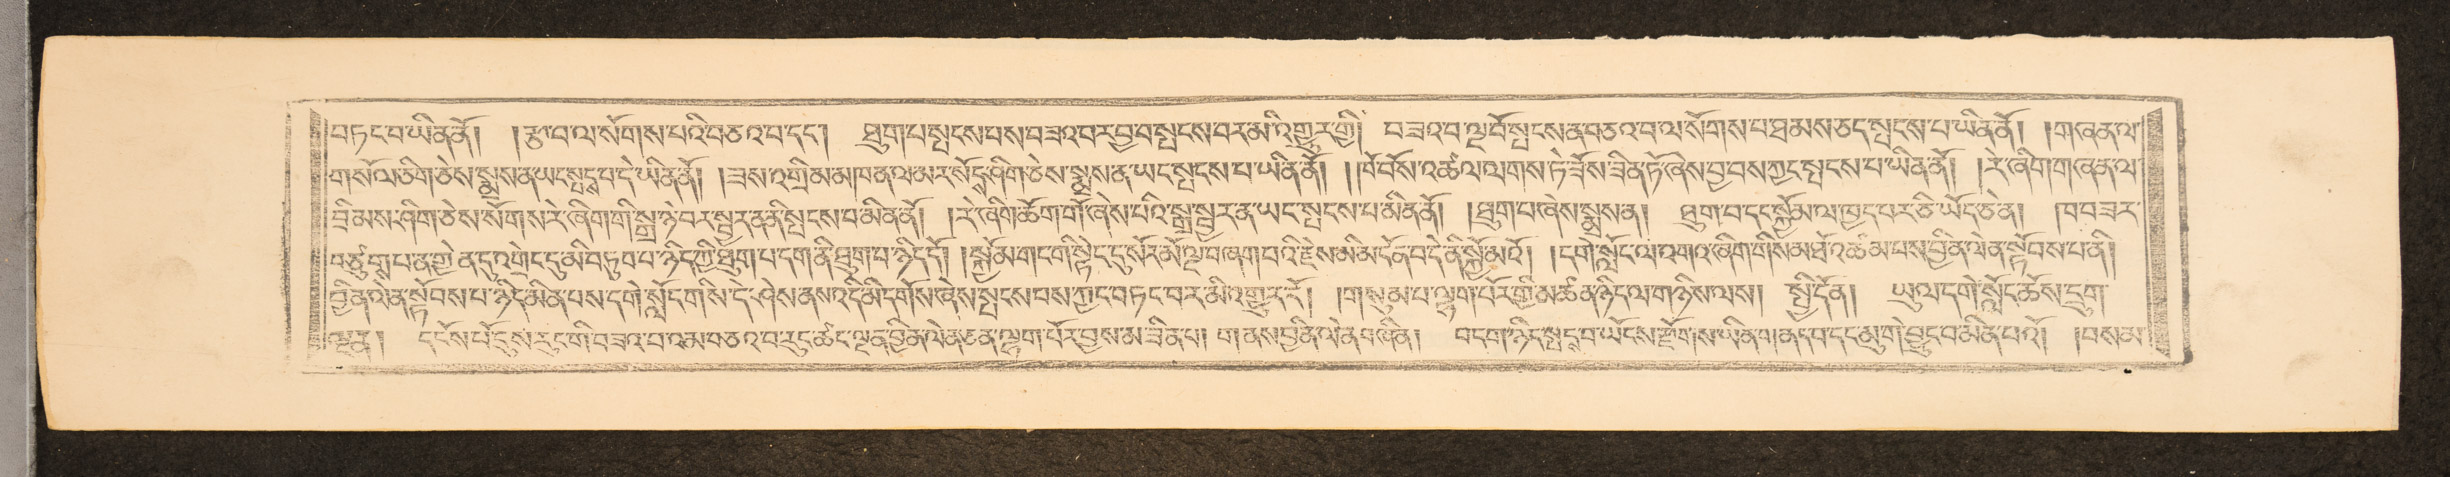བཏང་བ་ཡིན་ནོ། །རྩ་བ་ལ་སོགས་པའི་བཅའ་བ་དང་། ཐུག་པ་སྤངས་པས་བཟའ་བར་བྱ་བ་སྤངས་པར་མི་འགྱུར་གྱི། བཟའ་བ་ལྔ་པོ་སྤངས་ན་བཅའ་བ་ལ་སོགས་པ་ཐམས་ཅད་སྤངས་པ་ཡིན་ནོ། །གཞན་ལ་
གསོལ་ཅིག་ཅེས་སྨྲས་ན་ཡང་སྤངས་པ་དེ་ཡིན་ནོ། །ཟས་འགྲིམ་མཁན་ལ་མར་སོངས་ཤིག་ཅེས་སྨྲས་ན་ཡང་སྤངས་པ་ཡིན་ནོ། །ཁོ་བོས་འཚལ་ལགས་ཏེ་ཟོས་ཟིན་ཏོ་ཞེས་བྱ་བས་ཀྱང་སྤངས་པ་ཡིན་ནོ། །རེ་ཞིག་གཞན་ལ་
བྲིམས་ཤིག་ཅེས་སོགས་རེ་ཞིག་གི་སྒྲ་ཉེ་བར་སྦྱར་ན་ནི་སྤངས་པ་མིན་ནོ། །རེ་ཞིག་ཆོག་གོ་ཞེས་པའི་སྒྲ་སྦྱར་ན་ཡང་སྤངས་པ་མིན་ནོ། །ཐུག་པ་ཞེས་སྨྲས་ན། ཐུག་པ་དང་སྐྱོ་མ་ལ་ཁྱད་པར་ཅི་ཡོད་ཅེ་ན། ཁ་བཟར་
བཙུགས་པ་ན་གྱེན་དུ་འགྲེང་དུ་མི་བཏུབ་པ་ཉིད་ཀྱི་ཐུག་པ་དག་ནི་ཐུག་པ་ཉིད་དོ། །སྐྱོ་མ་གང་གི་སྟེང་དུ་སོར་མོ་ལྔ་བཞག་པའི་རྗེས་མི་མདོན་པ་དེ་ནི་སྐྱོ་མའོ། །དགེ་སློང་ལ་འགའ་ཞིག་གིས་མཐོ་འཚམ་པས་བྱིན་ལེན་སྟོབས་པ་ནི།
བྱིན་ལེན་སྟོབས་པ་ཉིད་མིན་པས་དགེ་སློང་གིས་དེ་ཤེས་ནས་འདི་མི་དགོས་ཞེས་སྤངས་པས་ཀྱང་བཏང་བར་མི་འགྱུར་རོ། །གསུམ་པ་ལྷག་པོར་གྱི་མཚན་ཉིད་ལ་གཉིས་ལས། སྤྱི་དོན། ཡུལ་དགེ་སློང་ཆོས་དྲུག་
ལྡན། དངོས་པོ་དུས་རུང་གི་བཟའ་བའམ་བཅའ་བ་རུང་ཚད་ལྡན་བྱིན་ལེན་ཅན་ལྷག་པོར་བྱས་མ་ཟིན་པ། གནས་བྱིན་ལེན་བཞིན། བདག་ཉིད་སྤངས་པ་ཡོངས་རྫོགས་ཡིན་པ། ནད་པ་དང་མུ་གེ་བྱུང་བ་མིན་པའོ། །བསམ་